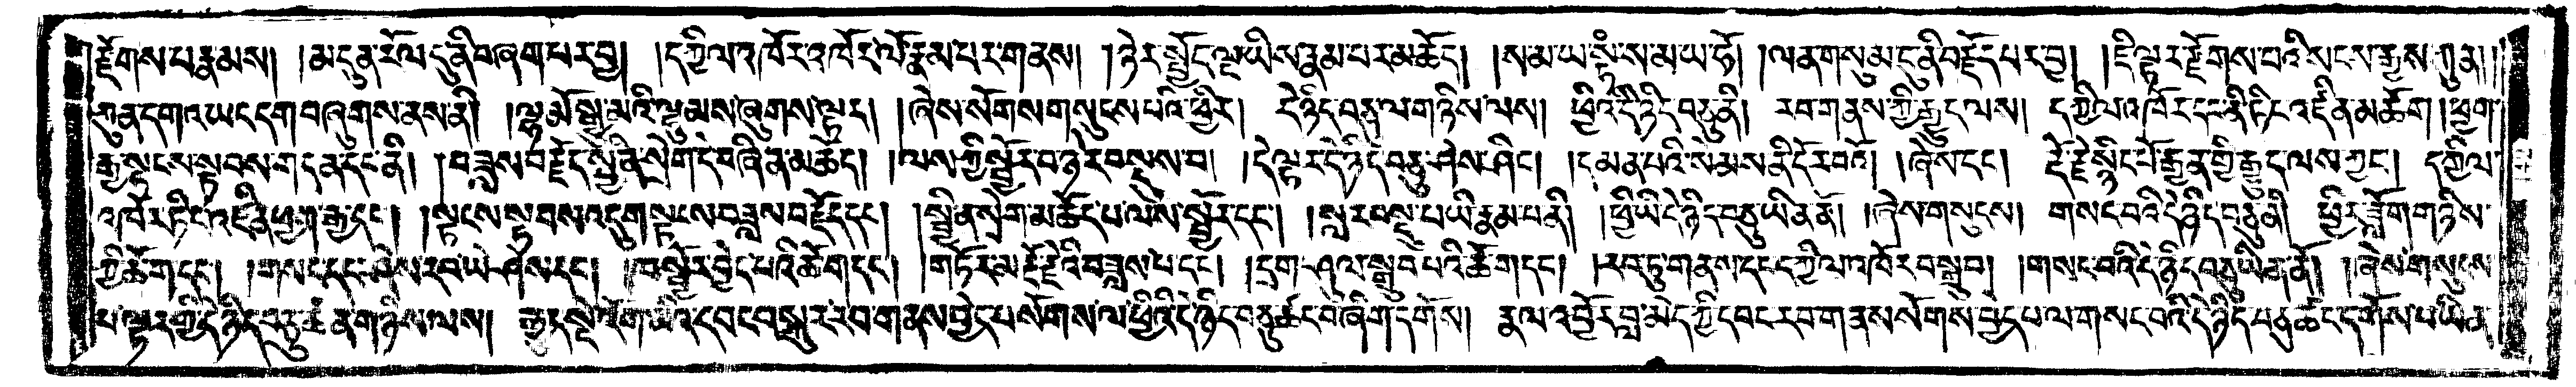རྫོགས་པ་རྣམས། །མདུན་རོལ་དུ་ནི་བཞག་པར་བྱ། །དཀྱིལ་འཁོར་འཁོར་ལོ་རྣམ་པར་གནས། །ཉེར་སྤྱོད་ལྔ་ཡིས་རྣམ་པར་མཆོད། །སམ་ཡ་སྟཾ་ས་ཡ་ཧོ། །ལན་གསུམ་དུ་ནི་བརྗོད་པར་བྱ། །ཇི་ལྟར་རྫོགས་པའི་སངས་རྒྱས་ཀུན། །
ཀུན་དགའ་ཡང་དག་བཞུགས་ནས་ནི། །ལྷ་མོ་སྒྱུ་མའི་ལྡུམས་ཞུགས་ལྟར། །ཞེས་སོགས་གསུངས་པའི་ཕྱིར། དེ་ཉིད་བཅུ་ལ་གཉིས་ལས། ཕྱིའི་དེ་ཉིད་བཅུ་ནི། རབ་གནས་ཀྱི་རྒྱུད་ལས། དཀྱིལ་འཁོར་དང་ནི་ཏིང་འཛིན་མཆོག །ཕྱག་
རྒྱ་སྟངས་སྟབས་གདན་དང་ནི། །བཟླས་བརྗོད་སྤྱིན་སྲེག་དེ་བཞིན་མཆོད། །ལས་ཀྱི་སྦྱོར་བ་ཉེར་བསྡུས་པ། །དེ་ལྟར་དེ་ཉིད་བཅུ་ཤེས་ཤིང་། །དམན་པའི་སེམས་ནི་དོར་བའོ། །ཞེས་དང་། རྡོ་རྗེ་སྙིང་པོ་རྒྱན་གྱི་རྒྱུད་ལས་ཀྱང་། །དཀྱིལ་
འཁོར་ཏིང་འཛིན་ཕྱག་རྒྱ་དང་། །སྟངས་སྟབས་འདུག་སྟངས་བཟླས་བརྗོད་དང་། །སྦྱིན་སྲེག་མཆོད་པ་ལས་སྦྱོར་དང་། །སླར་བསྡུ་པ་ཡི་རྣམ་པ་ནི། །ཕྱི་ཡི་དེ་ཉིད་བཅུ་ཡིན་ནོ། །ཞེས་གསུངས། གསང་བའི་དེ་ཉིད་བཅུ་ནི། ཕྱིར་ཟློག་གཉིས་
ཀྱི་ཆོ་ག་དང་། །གསང་དང་ཤེས་རབ་ཡེ་ཤེས་དང་། །ཁ་སྦྱོར་བྱེད་པའི་ཆོ་ག་དང་། །གཏོར་མ་རྡོ་རྗེའི་བཟླས་པ་དང་། །དྲག་ཤལ་སྒྲུབ་པའི་ཆོ་ག་དང་། །རབ་ཏུ་གནས་དང་དཀྱིལ་འཁོར་བསྒྲུབ། །གསང་པའི་དེ་ཉིད་བཅུ་ཡིན་ནོ། །ཞེས་གསུངས་
པ་ལྟར་གྱི་དེ་ཉིད་བཅུ་ཚན་གཉིས་ལས། རྒྱུད་སྡེ་འོག་མའི་དང་བསྐུར་རབ་གནས་བྱེད་པ་སོགས་ལ་ཕྱིའི་དེ་ཉིད་བཅུ་ཚང་བཞིག་དགོས། རྣལ་འབྱོར་བླ་མེད་ཀྱི་དབང་རབ་གནས་སོགས་བྱེད་པ་ལ་གསང་བའི་དེ་ཉིད་བཅུ་ཚང་དགོས་པ་ཡིན་